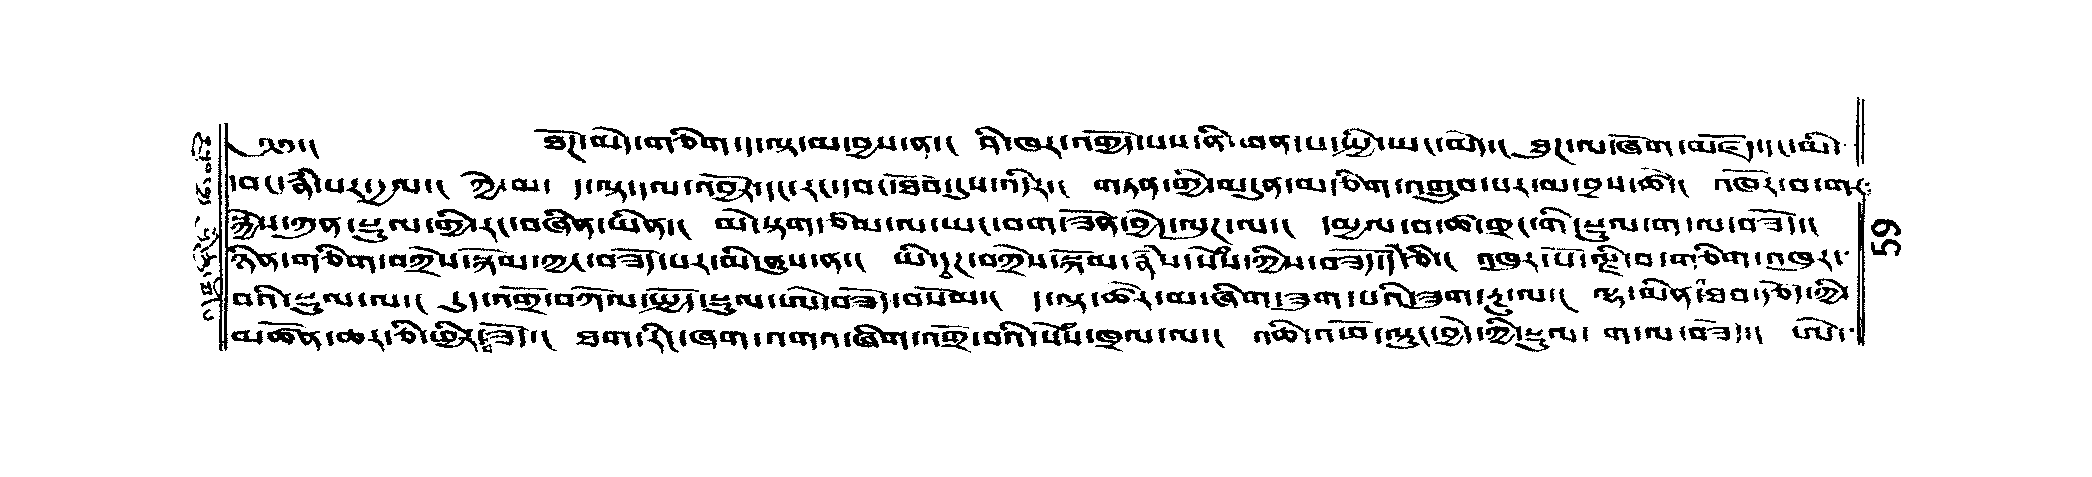ཐོགས་མེད་གཅིག་ད་ལྟ་མ་བྱས་ན། །ཤི་ཁ་འགྱོད་པས་ནི་ཕན་པ་ཅིས་ཀྱང་མེད། །ཐུགས་ལ་ཞོག་མཛོད་དང་མི་
དབང་རྣམ་པར་རྒྱལ།ཀྱེ་མ། ད་ལྟ་དལ་འབྱོར་དང་མི་ལུས་ཐོབ་དུས་འདིར། །གཏན་གྱི་བདུན་མ་ཞིག་འགྲུབ་པར་མ་བྱས་ཚེ། །འཁོར་བ་གར་
སྐྱེས་ཀུན་སྡུག་བསྔལ་གྱི་རང་བཞིན་ཡིན། །མེ་སྟག་ཙམ་ལ་ཡང་བག་ཟོན་བྱེད་ལུགས་ལ། །དམྱལ་བ་ཚ་གྲང་གི་སྡུག་བསྔལ་ག་ལ་བཟོད། །
ཉིན་གཅིག་བཀྲེས་སྐོམ་ཀྱང་བཟོད་པར་མི་ནུས་ན། །ཡི་དྭགས་བཀྲེས་སྐོམ་རྣམས་སེམས་ཀྱིས་བཟོད་དམ་ཅི། །འཁུར་པོ་ལྗི་བ་གཅིག་འཁུར་
བའི་སྡུག་བསྔལ་ལ། །དུད་འགྲོ་བཀོལ་སྤྱོད་སྡུག་བསྔལ་ཨེ་བཟོད་སོམས། །ད་ལྟ་ཚེར་མ་ཞིག་ཟུག་པའི་ཟུག་རྔུ་ལ། །ལྷ་མིན་འཐབ་རྩོད་ཀྱི་
མཚོན་ཆར་ཅི་ཕྱིར་བཟོད། །ཐག་རིང་ཞག་འགའ་ཞིག་འགྲོ་བའི་སེམས་ཁྲལ་ལ། །འཆི་འཕོ་ལྟུང་བྱེད་ཀྱི་སྡུག་བསྔལ་ག་ལ་བཟོད། །ཨེ་